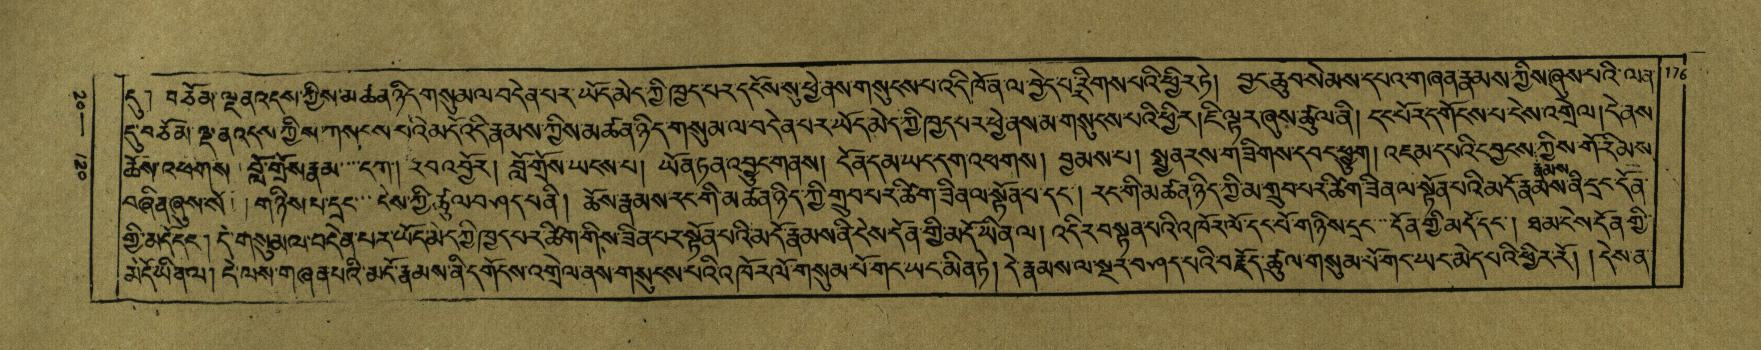དུ༑ བཅོམ་ལྡན་འདས་ཀྱིས་མཚན་ཉིད་གསུམ་ལ་བདེན་པར་ཡོད་མེད་ཀྱི་ཁྱད་པར་དངོས་སུ་ཕྱེ་ནས་གསུངས་པ་འདི་ཁོ་ན་ལ་བྱེད་པར་རིགས་པའི་ཕྱིར་ཏེ། བྱང་ཆུབ་སེམས་དཔའ་གཞན་རྣམས་ཀྱིས་ཞུས་པའི་ལན་
དུ་བཅོམ་ལྡན་འདས་ཀྱིས་གསུངས་པའི་མདོ་འདི་རྣམས་ཀྱིས་མཚན་ཉིད་གསུམ་ལ་བདེན་པར་ཡོད་མེད་ཀྱི་ཁྱད་པར་ཕྱེ་ནས་མ་གསུངས་པའི་ཕྱིར། ཇི་ལྟར་ཞུས་ཚུལ་ནི། དང་པོར་དགོངས་པ་ངེས་འགྲེལ། དེ་ནས་
ཆོས་འཕགས། བློ་གྲོས་རྣམ་དག །རབ་འབྱོར། བློ་གྲོས་ཡངས་པ། ཡོན་ཏན་འབྱུང་གནས། དོན་དམ་ཡང་དག་འཕགས། བྱམས་པ། སྤྱན་རས་གཟིགས་དབང་ཕྱུག །འཇམ་དཔའི་དབྱངས་རྣམས་ཀྱིས་གོ་རིམས་
བཞིན་ཞུས་སོ། །གཉིས་པ་དྲང་ངེས་ཀྱི་ཚུལ་བཤད་པ་ནི། ཆོས་རྣམས་རང་གི་མཚན་ཉིད་ཀྱི་གྲུབ་པར་ཚིག་ཟིན་ལ་སྟོན་པ་དང་། རང་གི་མཚན་ཉིད་ཀྱི་མ་གྲུབ་པར་ཚིག་ཟིན་ལ་སྟོན་པའི་མདོ་རྣམས་ནི་དྲང་དོན་
གྱི་མདོ་དང་། དེ་གསུམ་ལ་བདེན་པར་ཡོད་མེད་ཀྱི་ཁྱད་པར་ཚིག་གིས་ཟིན་པར་སྟོན་པའི་མདོ་རྣམས་ནི་ངེས་དོན་གྱི་མདོ་ཡིན་ལ། འདིར་བསྟན་པའི་འཁོར་ལོ་དང་པོ་གཉིས་དྲང་དོན་གྱི་མདོ་དང་། ཐ་མ་ངེས་དོན་གྱི་
མདོ་ཡིན་ལ། དེ་ལས་གཞན་པའི་མདོ་རྣམས་ནི་དགོངས་འགྲེལ་ནས་གསུངས་པའི་འཁོར་ལོ་གསུམ་པོ་གང་ཡང་མིན་ཏེ། དེ་རྣམས་ལ་སྔར་བཤད་པའི་བརྗོད་ཚུལ་གསུམ་པོ་གང་ཡང་མེད་པའི་ཕྱིར་རོ། །དེས་ན་